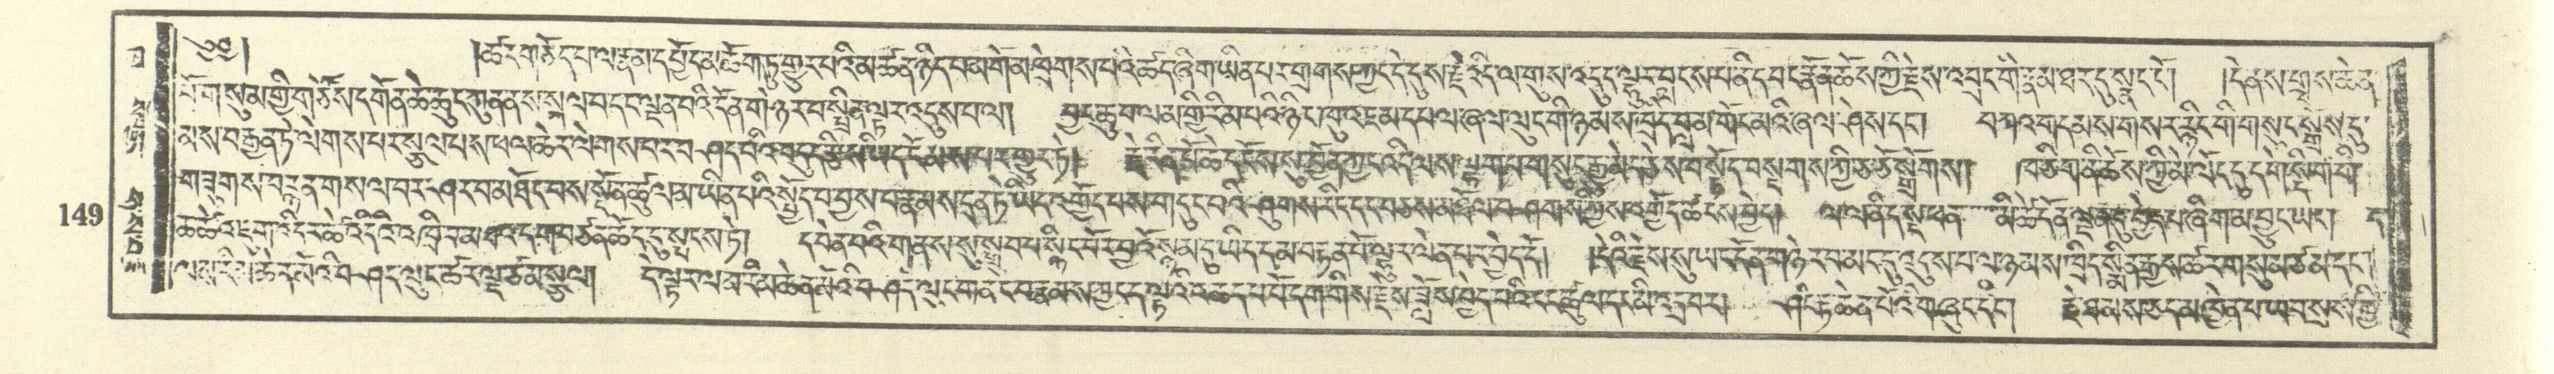༄༅། །ཚར་གཅོད་པ་ལ་རྣམ་དཔྱོད་མཆོག་ཏུ་གྱུར་པའི་མཚན་ཉིད་པ་མགོ་མཁྲེགས་པའི་ཚད་ཞིག་ཡིན་པར་གྲགས་ཀྱང་དེ་དུས་རྗེ་འདི་ལ་གུས་འདུད་ལྷུར་བླངས་པ་ནི་དབང་རྣོན་ཆོས་ཀྱི་རྗེས་འབྲང་གི་རྣམ་ཐར་དུ་སྣང་ངོ། །དེ་ནས་གྲྭ་ས་ཆེན་
པོ་གསུམ་གྱི་གཙོས་དགོན་ཆེ་ཆུང་ཀུན་ནས་སྐལ་བ་དང་ལྡན་པའི་དོན་གཉེར་བ་སྤྲིན་ལྟར་འདུས་པ་ལ། བྱང་ཆུབ་ལམ་གྱི་རིམ་པའི་ཉིང་ཁུ་འཇམ་དཔལ་ཞལ་ལུང་གི་ཉམས་ཁྲིད་བླ་མ་གོང་མའི་ཞལ་ཤེས་དང་། བཀའ་གདམས་གསར་རྙིང་གི་གསུང་སྒྲོས་དུ་
མས་བརྒྱན་ཏེ་ལེགས་པར་སྩལ་པས་ཕལ་ཆེར་ལེགས་པར་བཤད་པའི་བདུད་རྩིས་ཡིད་ངོམས་པར་གྱུར་ཏེ། རྗེ་རིན་པོ་ཆེ་དངོས་སུ་བྱོན་ཀྱང་འདི་ལས་ལྷག་པ་གསུང་རྒྱུ་མེད་ཅེས་བསྟོད་བསྔགས་ཀྱི་ཅ་ཅོ་སྒྲོགས། ཁ་ཅིག་ནི་ཆོས་ཀྱི་མེ་ལོང་དུ་དགེ་སྡིག་གི་
གཟུགས་བརྙན་གསལ་བར་ཤར་བ་མཐོང་བས་སྔོན་ཚུལ་མ་ཡིན་པའི་སྤྱོད་པ་བྱས་པ་རྣམས་དྲན་ཏེ་ཡིད་འགྱོད་པས་གདུང་བའི་ཤུགས་རིང་དང་བཅས་མཐོལ་བཤགས་ཀྱིས་འགྱོད་ཚངས་བྱེད། ལ་ལ་ནི་ད་སྔ་ཕན་མི་ཚེ་དོན་ལྡན་དུ་བྱེད་པ་ཞིག་མ་བྱུང་ཡང་། ད་
ཆ་ཚེ་འཇུག་འདིར་ཚེ་འདིའི་འཁྲི་བ་མཐའ་དག་བཙན་ཆོད་དུ་སྤངས་ཏེ། དབེན་པའི་གནས་སུ་སྒྲུབ་པ་སྙིང་པོར་བྱའོ་སྙམ་དུ་ཡིད་དམ་བརྟན་པོ་ལྷུར་ལེན་པར་བྱེད་དོ། །དེའི་རྗེས་སུ་ཡང་དོན་གཉེར་བ་མང་དུ་འདུས་པ་ལ་ཉམས་ཁྲིད་སྨིན་རྒྱས་ཚར་གསུམ་ཙམ་དང་།
ལམ་རིམ་ཆེན་མོའི་བཤད་ལུང་ཚར་ལྔ་ཙམ་སྩལ། དེ་ལྟར་ལམ་རིམ་ཆེན་མོའི་བཤད་ལུང་གནང་བ་རྣམས་ཀྱང་ད་ལྟའི་འཆད་པ་པོ་དག་གིས་རྗེས་ཟློས་བྱེད་པའི་ངང་ཚུལ་དང་མི་འདྲ་བར། ཤིང་རྟ་ཆེན་པོའི་གཞུང་དང་། རྗེ་ཐམས་ཅད་མཁྱེན་པ་ཡབ་སྲས་ཀྱི་